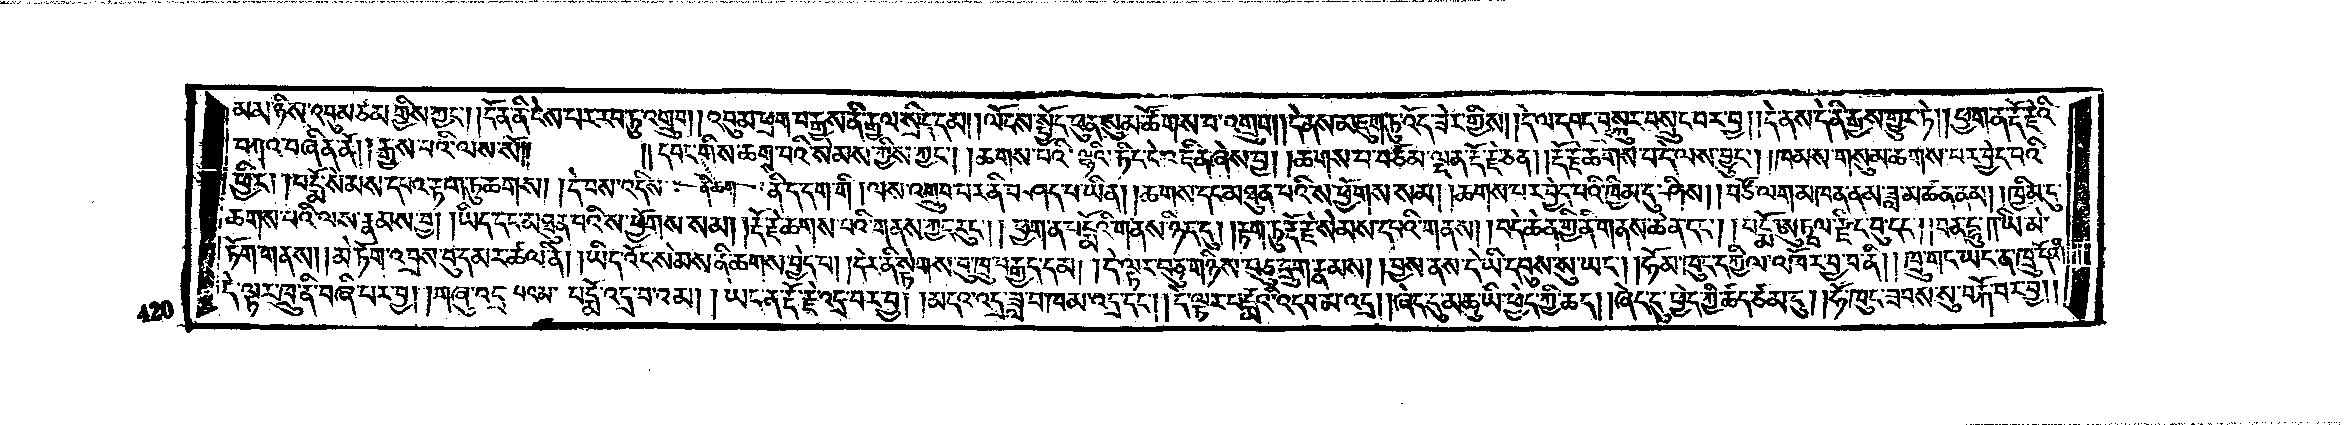མམ་ཉིས་འབུམ་ཙམ་གྱིས་ཀྱང་། །དོན་ནི་ངེས་པར་རབ་ཏུ་འགྲུབ། །འབུམ་ཕྲག་བརྒྱས་ནི་རྒྱལ་སྲིད་དམ། །ལོངས་སྤྱོད་ཕུན་སུམ་ཚོགས་པ་འགྲུབ། །དེ་ནས་མཇུག་ཏུ་འོད་ཟེར་གྱིས། །དེ་ལ་དབང་བསྐུར་བསྲུང་བར་བྱ། །དེ་ནས་དེ་ནི་རྒྱས་གྱུར་ཏེ། །ཕྱག་ན་རྡོ་རྗེའི་
བཀའ་བཞིན་ནོ། །རྒྱས་པའི་ལས་སོ།། །།དབང་གིས་ཆགས་པའི་སེམས་ཀྱིས་ཀྱང་། །ཆགས་པའི་ལྷའི་ཏིང་ངེ་འཛིན་ཞེས་བྱ། །ཆགས་པ་བཅོམ་ལྡན་རྡོ་རྗེ་ཅན། །རྡོ་རྗེ་ཆགས་པ་དེ་ལས་བྱུང་། །ཁམས་གསུམ་ཆགས་པར་བྱེད་པའི་
ཕྱིར། །པདམོ་སེམས་དཔའ་རྟག་ཏུ་ཆགས། །དེ་བས་འདིས་H.ནི་ཆག.H ནི་དེ་དག་གི །ལས་འགྲུབ་པར་ནི་བཤད་པ་ཡིན། །ཆགས་དང་མཐུན་པའི་ས་ཕྱོགས་སམ། །ཆགས་པར་བྱེད་པའི་ཁྱིམ་དུ་ཤིས། །བཙོ་ལག་མཁན་ནམ་ཟླ་མཚན་ནམ། །ཁྱིམ་དུ་
ཆགས་པའི་ལས་རྣམས་བྱ། །ཡིད་དང་མཐུན་པའི་ས་ཕྱོགས་སམ། །རྡོ་རྗེ་ཆགས་པའི་གནས་ཀྱང་རུང་། །ཕྱག་ན་པདམོའི་གནས་ཉིད་དུ། །རྟག་ཏུ་རྡོ་རྗེ་སེམས་དཔའི་གནས། །བདེ་ཆེན་གྱི་ནི་གནས་ཆེན་དང་། །པདམོ་ཨུཏྤལ་རྫིང་བུ་དང་། །བན་དྷྱ་ཀ་ཡི་མེ་
ཏོག་གནས། །མེ་ཏོག་འབྲས་བུ་དམར་ཚལ་ནི། །ཡིད་འོང་སེམས་ནི་ཆགས་བྱེད་པ། །དེར་ནི་སྟེགས་བུ་ཁྲུ་བརྒྱད་དམ། །དེ་ལྟར་བཅུ་གཉིས་བཅུ་དྲུག་རྣམས། །བྱས་ནས་དེ་ཡི་དབུས་སུ་ཡང་། །ཧོམ་ཁུང་དཀྱིལ་འཁོར་བྱ་བ་ནི། །ཁྲུ་གང་ཡང་ན་ཁྲུ་དོའི།
དེ་ལྟར་ཁྲུ་ནི་བཞི་པར་བྱ། །གཞུ་འདྲ་བའམ་པདམོ་འདྲ་བ་འམ། །ཡང་ན་རྡོ་རྗེ་འདྲ་བར་བྱ། །མདའ་འདྲ་ཟླ་བ་ཁམ་འདྲ་དང་། །དེ་ལྟར་པདམའི་འདབ་མ་འདྲ། །ཞེད་དུ་མཆུ་ཡི་ཕྱེད་ཀྱི་ཆད། །ཞེད་དུ་ཕྱེད་ཀྱི་ཚད་ཙམ་དུ། །ཧོ་ཁུང་ཟབས་སུ་བརྐོ་བར་བྱ། །